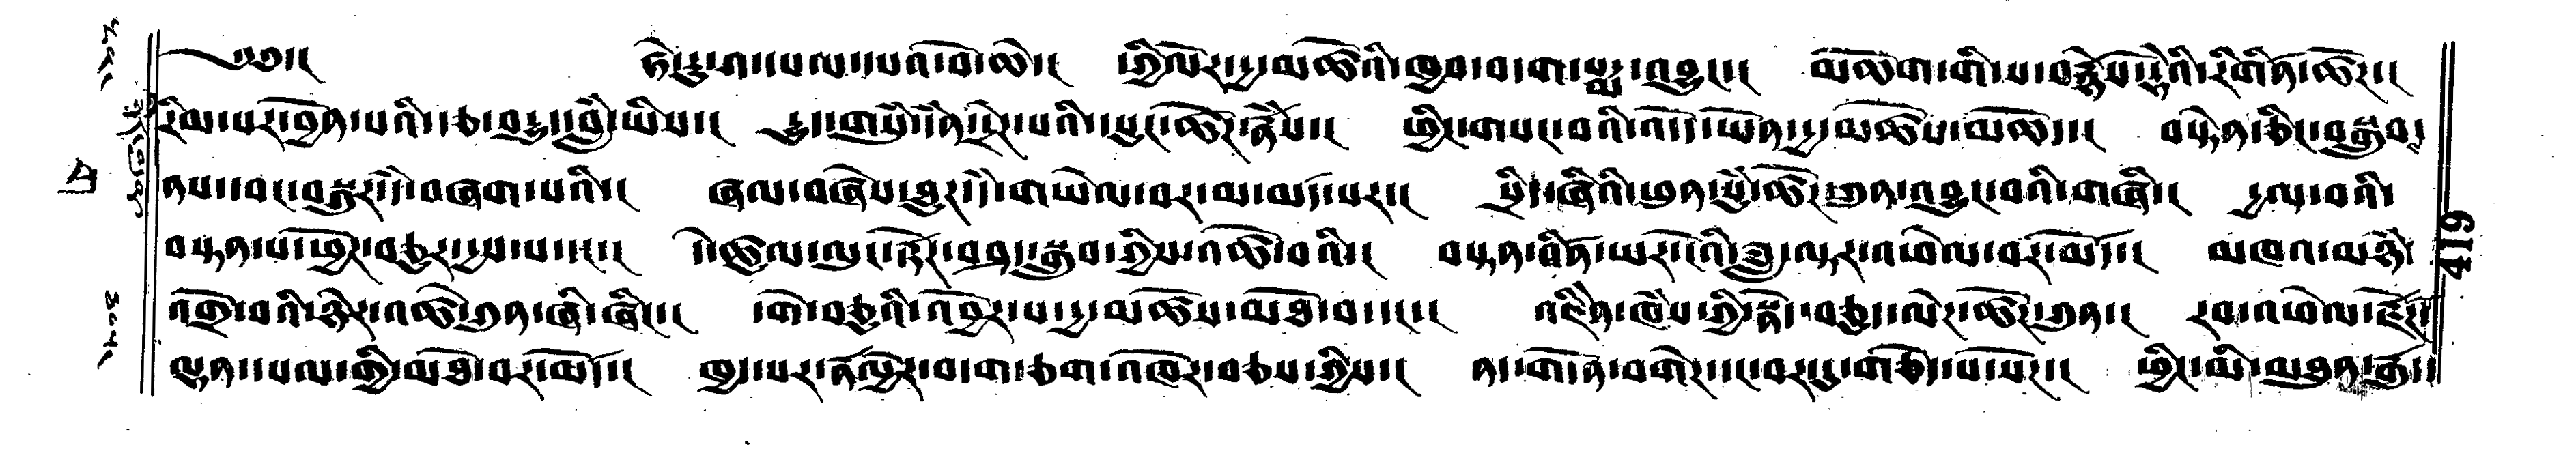ཧེ་རུ་ཀ་དཔལ་དཔའ་བོ་ཆེ། །དཀྱིལ་འཁོར་རྒྱ་མཚོའི་ཁྱབ་བདག་པདྨ་འབྱུང་། །མཆོག་གི་ས་བརྙེས་རྡོ་རྗེའི་རིག་འཛིན་ཚོགས། །
རིམ་པར་བྱོན་པའི་རྩ་བརྒྱུད་བླ་མ་ཡིས། །རྒྱུད་གསུམ་དམ་ཅན་དྲེགས་པའི་དཔུང་ཚོགས་རྣམས། །ཕྱི་ནང་གསང་བའི་འདོད་ཡོན་རྒྱ་མཚོས་མཆོད། །བསྟེན་ཅིང་བསྒྲུབས་
ནས་དབང་བསྐུར་དམ་བཞག་པའི། །ཞལ་བཞེས་ཐུགས་དམ་གཡེལ་བར་མ་མཛད་པར། །སྲིད་ཞིའི་ཕུན་སུམ་ཚོགས་ཀུན་འབྱུང་བའི་གཞི། །རྒྱལ་བའི་
བསྟན་པ་ཕྱོགས་བཅུར་རྒྱས་པ་དང་། །དེ་ཚུལ་ལུང་རྟོགས་བཤད་སྒྲུབ་ཀྱིས་འཚོ་བའི། །བསྟན་འཛིན་ཡར་ངོའི་ཟླ་ལྟར་འཕེལ་བར་མཛོད། །མཁའ་མཉམ་
འགྲོ་བའི་ཉེར་འཚེ་ཀུན་ཞི་ཞིང་། །དགེ་བཅུའི་འབྱོར་པ་རྒྱ་མཚོས་མཐོ་བ་དང་། །འཇིག་རྟེན་ཁམས་ཀྱི་སྣོད་བཅུད་ལེགས་ཚོགས་ཀུན། །རབ་འཕེལ་རྫོགས་
ལྡན་དཔལ་གྱིས་མཐོ་བར་མཛོད། །ཁྱད་པར་རྣལ་འབྱོར་བདག་ཅག་འཁོར་བཅས་ཀྱི། །ནད་གདོན་བགེགས་དང་བར་དུ་གཅོད་པ་སོགས། །ཕྱི་ནང་མི་མཐུན་རྒུད་